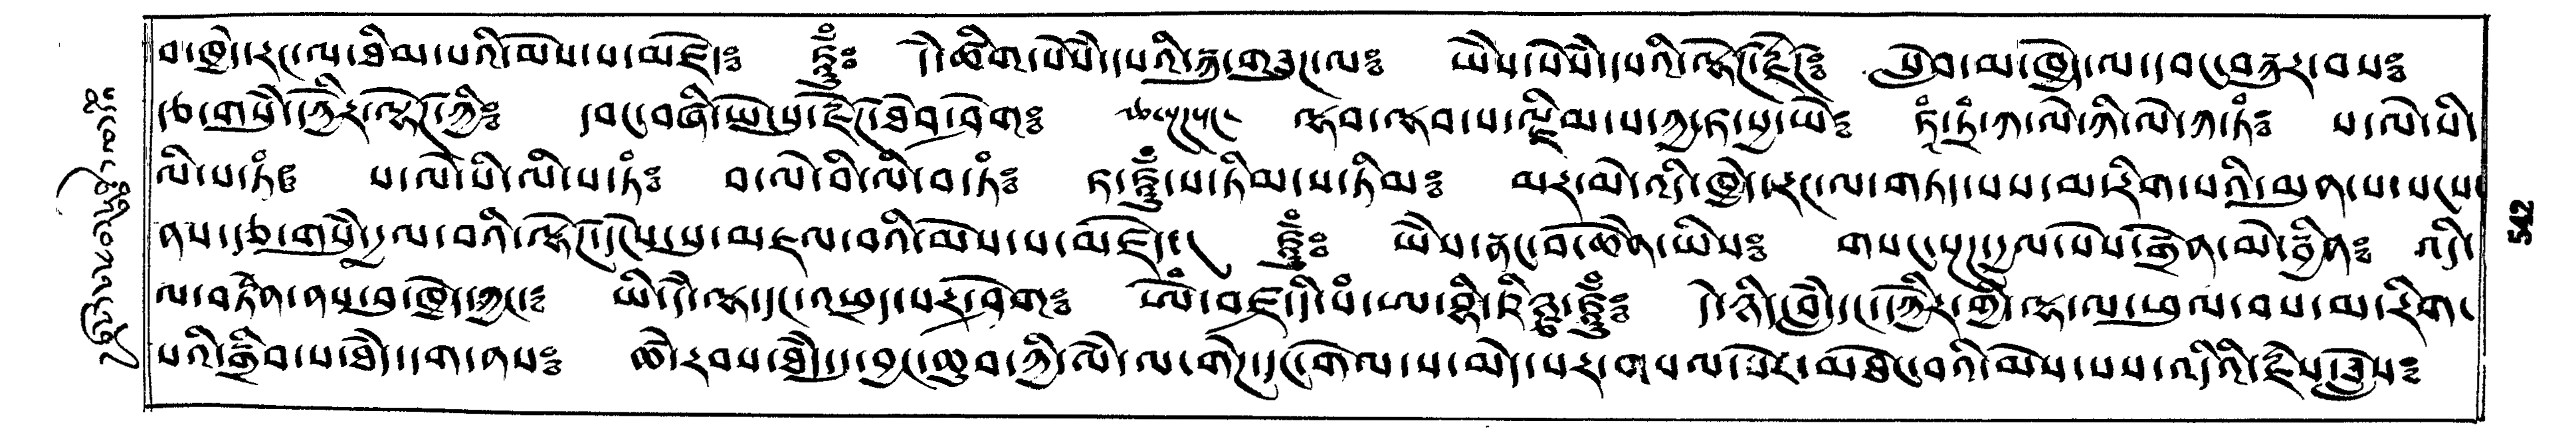བ་ཁྱེད་རང་ལ་ཐིམ་པའི་མོས་པ་མཛོད༔ ཧཱུྃ༔ དམ་ཚིག་སེམས་དཔའི་སྐུ་གཟུགས་ལ༔ ཡེ་ཤེས་སེམས་དཔའི་ལྷ་ཚོགས་རྫོགས༔ སློབ་མ་ཁྱེད་ལ་དབང་བསྐུར་བས༔ 
རྩ་གསུམ་དཀྱིལ་འཁོར་ལྷ་ཚོགས་ཀྱི༔ དབང་བཞི་ཡོངས་སུ་རྫོགས་ཐོབ་ཤོག༔ རྩ་སྔགས་དང་། ལྷབ་ལྷབ་?པ་ལྗིམ་པ་ཀྱ་ཧ་?པྱ་ཡེ༔ ཧཱཾ་ཏྲཾ་ཀ་ལེ་ཀི་ལེ་ཀ་ཏཾ༔ ས་ལེ་སི་
ལི་ས་ཏཾ༔ ས་ལེ་སི་ལི་ས་ཏཾ༔ བ་ལེ་བི་ལི་བ་ཏཾ༔ ཧ་ཧཱུྃ་ས་ཏིམ་པ་ཏིམ?༔ མར་མེ་འདི་ཁྱེད་རང་ལ་གཏད་པས་མ་རིག་པའི་མུན་པ་སངས་
ནས་རྩ་གསུམ་རྒྱལ་བའི་ལྷ་ཚོགས་དངོས་སུ་མཇལ་བའི་མོས་པ་མཛོད། ཧཱུྃཿ ཡེ་ཤེས་སྣང་བ་ཆེན་པོ་ཡིས༔ གསང་སྔགས་རྒྱལ་པོས་སྒྲོན་མེ་སྦྱིན༔ འདི་
ལ་བརྟེན་ནས་བུ་ཁྱེད་ཀྱང༔ ཡི་དམ་ལྷ་དང་འཕྲད་པར་ཤོག༔ ཨོཾ་བཛྲ་དི་པཾ་ཨབྷི་རིཉྩ་ཧཱུྃ༔ དེ་ཉིད་བླ་མ་དང་དཀྱིལ་འཁོར་གྱི་ལྷ་ལ་ཕུལ་བས་མ་རིག་
པའི་སྒྲིབ་པ་ཐམས་ཅད་དག་ནས༔ ཚེ་རབས་ཐམས་ཅད་དུ་བྱང་ཆུབ་ཀྱི་ལམ་ལ་གེགས་དང་གོལ་ས་མེད་པར་གསལ་པོར་མཐོང་བའི་མོས་པས་འདིའི་རྗེས་ཟློས༔